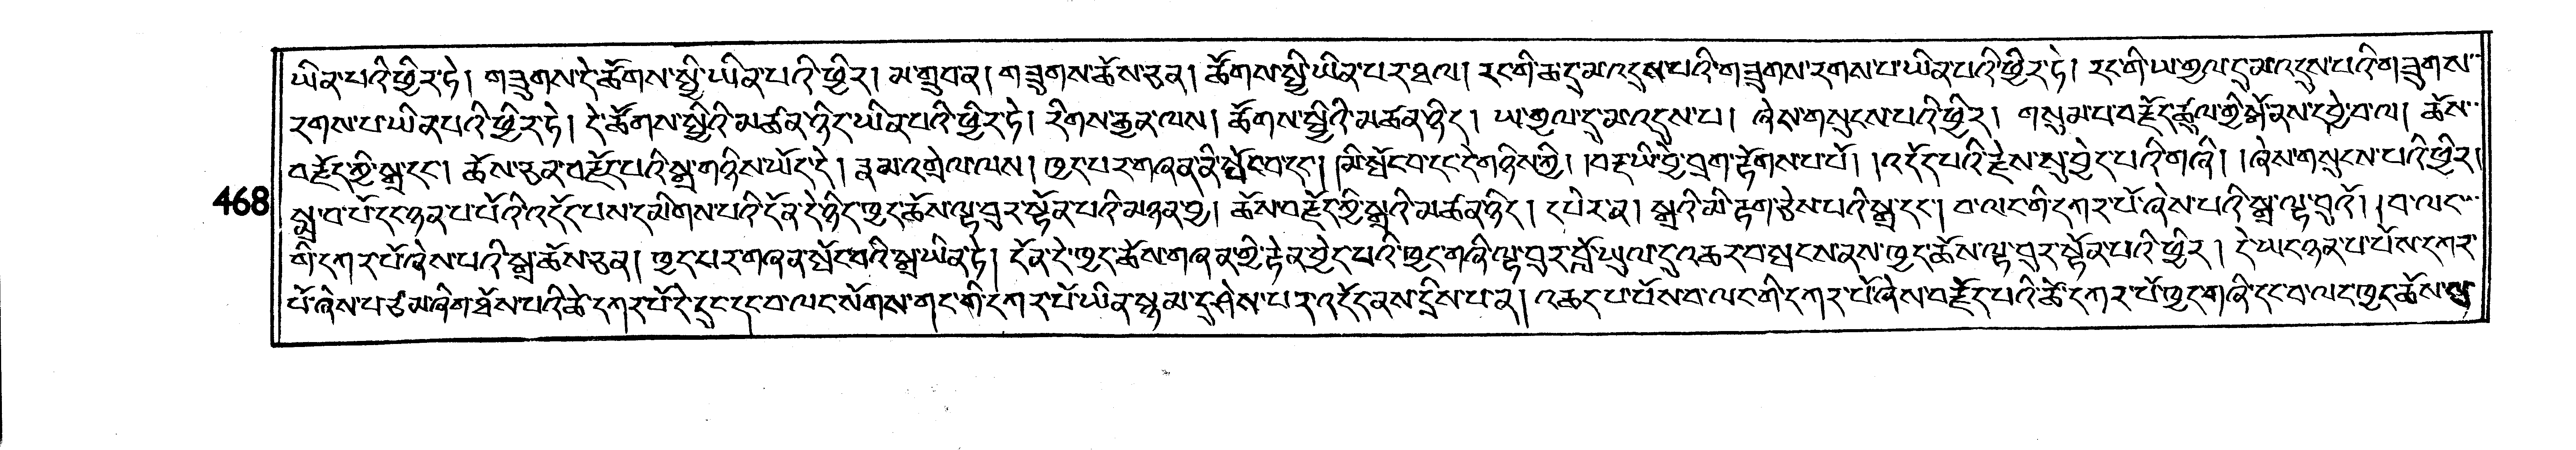ཡིན་པའི་ཕྱིར་ཏེ། གཟུགས་དེ་ཚོགས་སྤྱི་ཡིན་པའི་ཕྱིར། མ་གྲུབ་ན། གཟུགས་ཆོས་ཅན། ཚོགས་སྤྱི་ཡིན་པར་ཐལ། རང་གི་ཆ་དུ་མ་འདུས་པའི་གཟུགས་རགས་པ་ཡིན་པའི་ཕྱིར་ཏེ། རང་གི་ཡ་གྱལ་དུ་མ་འདུས་པའི་གཟུགས་
རགས་པ་ཡིན་པའི་ཕྱིར་ཏེ། དེ་ཚོགས་སྤྱིའི་མཚན་ཉིད་ཡིན་པའི་ཕྱིར་ཏེ། རིགས་རྒྱན་ལས། ཚོགས་སྤྱིའི་མཚན་ཉིད། ཡ་གྱལ་དུ་མ་འདུས་པ། ཞེས་གསུངས་པའི་ཕྱིར། གསུམ་པ་བརྗོད་ཚུལ་གྱི་སྒོ་ནས་དབྱེ་བ་ལ། ཆོས་
བརྗོད་ཀྱི་སྒྲ་དང་། ཆོས་ཅན་བརྗོད་པའི་སྒྲ་གཉིས་ཡོད་དེ། རྣམ་འགྲེལ་ལས། ཁྱད་པར་གཞན་ནི་སྤོང་བ་དང་། །མི་སྤོང་བ་དང་དེ་གཉིས་ཀྱི། །བརྡ་ཡི་བྱེ་བྲག་རྟོགས་པ་པོ། །འདོད་པའི་རྗེས་སུ་བྱེད་པའི་གཞི། །ཞེས་གསུངས་པའི་ཕྱིར།
སྨྲ་བ་པོ་དང་ཉན་པ་པོའི་འདོད་པས་དམིགས་པའི་དོན་དེ་ཉིད་ཁྱད་ཆོས་ལྟ་བུར་སྟོན་པའི་མཉན་བྱ། ཆོས་བརྗོད་ཀྱི་སྒྲའི་མཚན་ཉིད། དཔེར་ན། སྒྲའི་མི་རྟག་ཅེས་པའི་སྒྲ་དང་། བ་ལང་གི་དཀར་པོ་ཞེས་པའི་སྒྲ་ལྟ་བུའོ། །བ་ལང་
གི་དཀར་པོ་ཞེས་པའི་སྒྲ་ཆོས་ཅན། ཁྱད་པར་གཞན་སྤོང་བའི་སྒྲ་ཡིན་ཏེ། དོན་དེ་ཁྱད་ཆོས་གཞན་གྱི་རྟེན་བྱེད་པའི་ཁྱད་གཞི་ལྟ་བུར་བློ་ཡུལ་དུ་འཆར་བ་སྤངས་ནས་ཁྱད་ཆོས་ལྟ་བུར་སྟོན་པའི་ཕྱིར། དེ་ཡང་ཉན་པ་པོས་དཀར་
པོ་ཞེས་པ་ཙམ་ཞིག་ཐོས་པའི་ཚེ་དཀར་པོ་དེ་དུང་དང་བ་ལང་སོགས་གང་གི་དཀར་པོ་ཡིན་སྙམ་དུ་ཤེས་པར་འདོད་ནས་དྲིས་པ་ན། འཆད་པ་པོས་བ་ལང་གི་དཀར་པོ་ཞེས་བརྗོད་པའི་ཚེ་དཀར་པོ་ཁྱད་གཞི་དང་བ་ལང་ཁྱད་ཆོས་ལ་